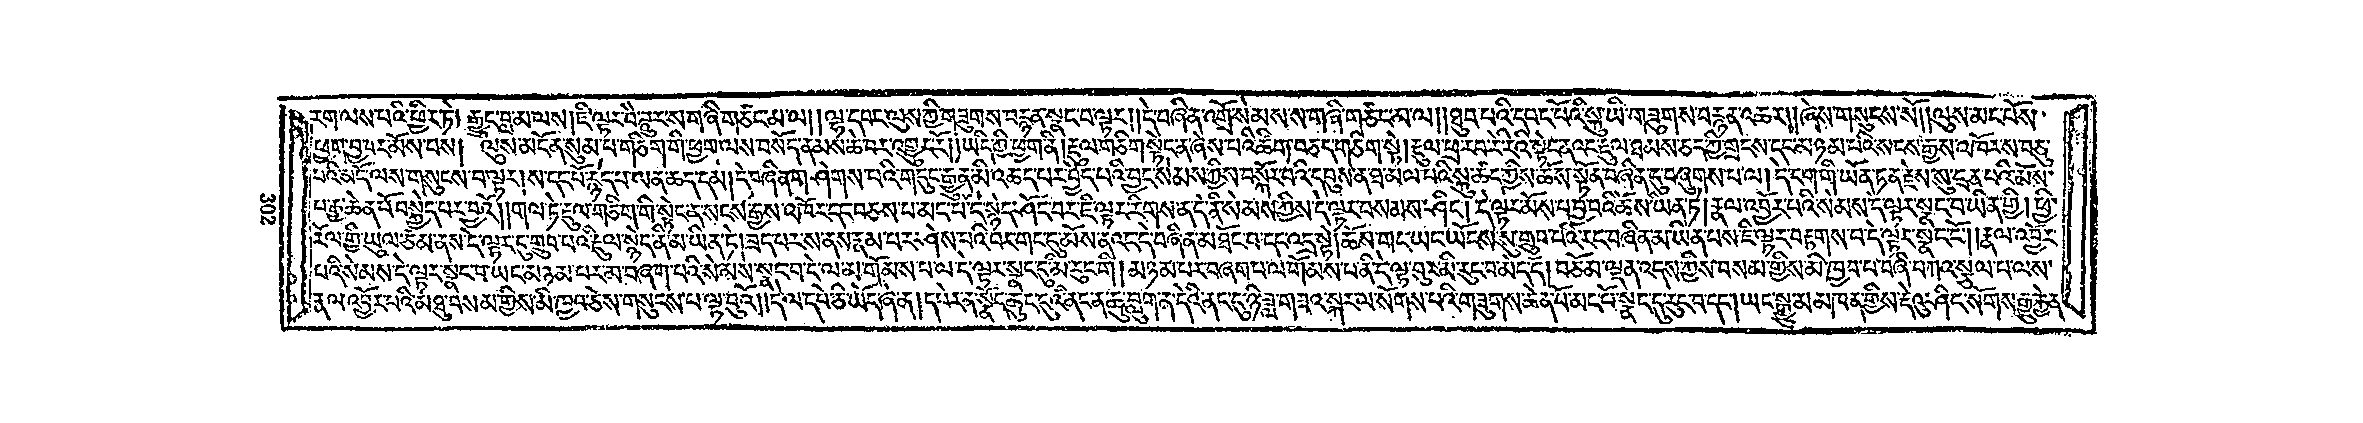རག་ལས་པའི་ཕྱིར་ཏེ། རྒྱུད་བླ་མ་ལས། ཇི་ལྟར་བཻཌཱུར་ས་གཞི་གཙང་མ་ལ། །ལྷ་དབང་ལུས་ཀྱི་གཟུགས་བརྙན་སྣང་བ་ལྟར། །དེ་བཞིན་འགྲོ་སེམས་ས་གཞི་གཙང་མ་ལ། །ཐུབ་པའི་དབང་པོའི་སྐུ་ཡི་གཟུགས་བརྙན་འཆར། །ཞེས་གསུངས་སོ། །ལུས་མང་པོས་
ཕྱག་བྱ་བར་མོས་པས། ལུས་མངོན་སུམ་པ་གཅིག་གི་ཕྱག་ལས་བསོད་ནམས་ཆེ་བར་འགྱུར་རོ། །ཡིད་ཀྱི་ཕྱག་ནི། རྡུལ་གཅིག་སྟེང་ན་ཞེས་པའི་ཚིག་བཅད་གཅིག་སྟེ། རྡུལ་ཕྲ་རབ་རེ་རེའི་སྟེང་ནའང་རྡུལ་ཐམས་ཅད་ཀྱི་གྲངས་དང་མཉམ་པའི་སངས་རྒྱས་འཁོར་ས་བཅུ་
པའི་མདོ་ལས་གསུངས་པ་ལྟར། ས་དང་པོ་རྙེད་པ་ཡན་ཆད་དམ། དེ་བཞིན་གཤེགས་པའི་གདུང་རྒྱུན་མི་འཆད་པར་བྱེད་པའི་བྱང་སེམས་ཀྱིས་བསྐོར་བའི་དབུས་ན་ཐ་མལ་པའི་སྐུ་ཚད་ཀྱིས་ཆོས་སྟོན་བཞིན་དུ་བཞུགས་པ་ལ། དེ་དག་གི་ཡོན་ཏན་རྗེས་སུ་དྲན་པའི་མོས་
པ་རྒྱ་ཆེན་པོ་བསྐྱེད་པར་བྱའོ། །གལ་ཏེ་རྡུལ་གཅིག་གི་སྟེང་ན་སངས་རྒྱས་འཁོར་དང་བཅས་པ་མང་པོ་དེ་སྙེད་ཤོད་བར་ཇི་ལྟར་རིགས་ན་དེ་ནི་སེམས་ཀྱིས་དེ་ལྟར་བསམས་ཤིང་། དེ་ལྟར་མོས་པ་བྱ་བའི་ཆོས་ཡིན་ཏེ། རྣལ་འབྱོར་པའི་སེམས་དེ་ལྟར་སྣང་བ་ཡིན་གྱི། ཕྱི་
རོལ་གྱི་ཡུལ་ཙམ་ནས་དེ་ལྟར་དུ་གྲུབ་པའི་རྡུལ་སྙེད་ནི་མ་ཡིན་ཏེ། ཟད་པར་ས་ནས་རྣམ་པར་ཤེས་པའི་བར་གང་དུ་མོས་ནའང་དེ་བཞིན་མཐོང་བ་དང་འདྲ་སྟེ། ཆོས་གང་ཡང་ཡོངས་སུ་གྲུབ་པའི་རང་བཞིན་མ་ཡིན་པས་ཇི་ལྟར་བརྟགས་པ་དེ་ལྟར་སྣང་ངོ། །རྣལ་འབྱོར་
པའི་སེམས་དེ་ལྟར་སྣང་བ་ཡང་མཉམ་པར་མ་བཞག་པའི་སེམས་སྣང་བ་དེ་ལ་མ་གོམས་པ་ལ་དེ་ལྟར་སྣང་དུ་མི་རུང་གི །མཉམ་པར་བཞག་པ་ལ་གོམས་པ་ནི་དེ་ལྟ་བུར་མི་རུང་བ་མེད་དོ། བཅོམ་ལྡན་འདས་ཀྱིས་བསམ་གྱིས་མི་ཁྱབ་པ་བཞི་བཀའ་སྩལ་པ་ལས་
རྣལ་འབྱོར་པའི་མཐུ་བསམ་གྱིས་མི་ཁྱབ་ཅེས་གསུངས་པ་ལྟ་བུའོ། །དེ་ལ་དཔེ་ཅི་ཡོད་ཞེ་ན། དཔེར་ན་སྣོད་ཆུང་ངུའི་ནང་ན་ཆུ་བླུག་ན་དེའི་ནང་དུ་ཉི་ཟླ་གཟའ་སྐར་ལ་སོགས་པའི་གཟུགས་ཆེན་པོ་མང་པོ་སྣང་དུ་རུང་བ་དང་། ཡང་སྒྱུ་མ་མཁན་གྱིས་རྡེའུ་ཤིང་སོགས་རྒྱུ་རྐྱེན་